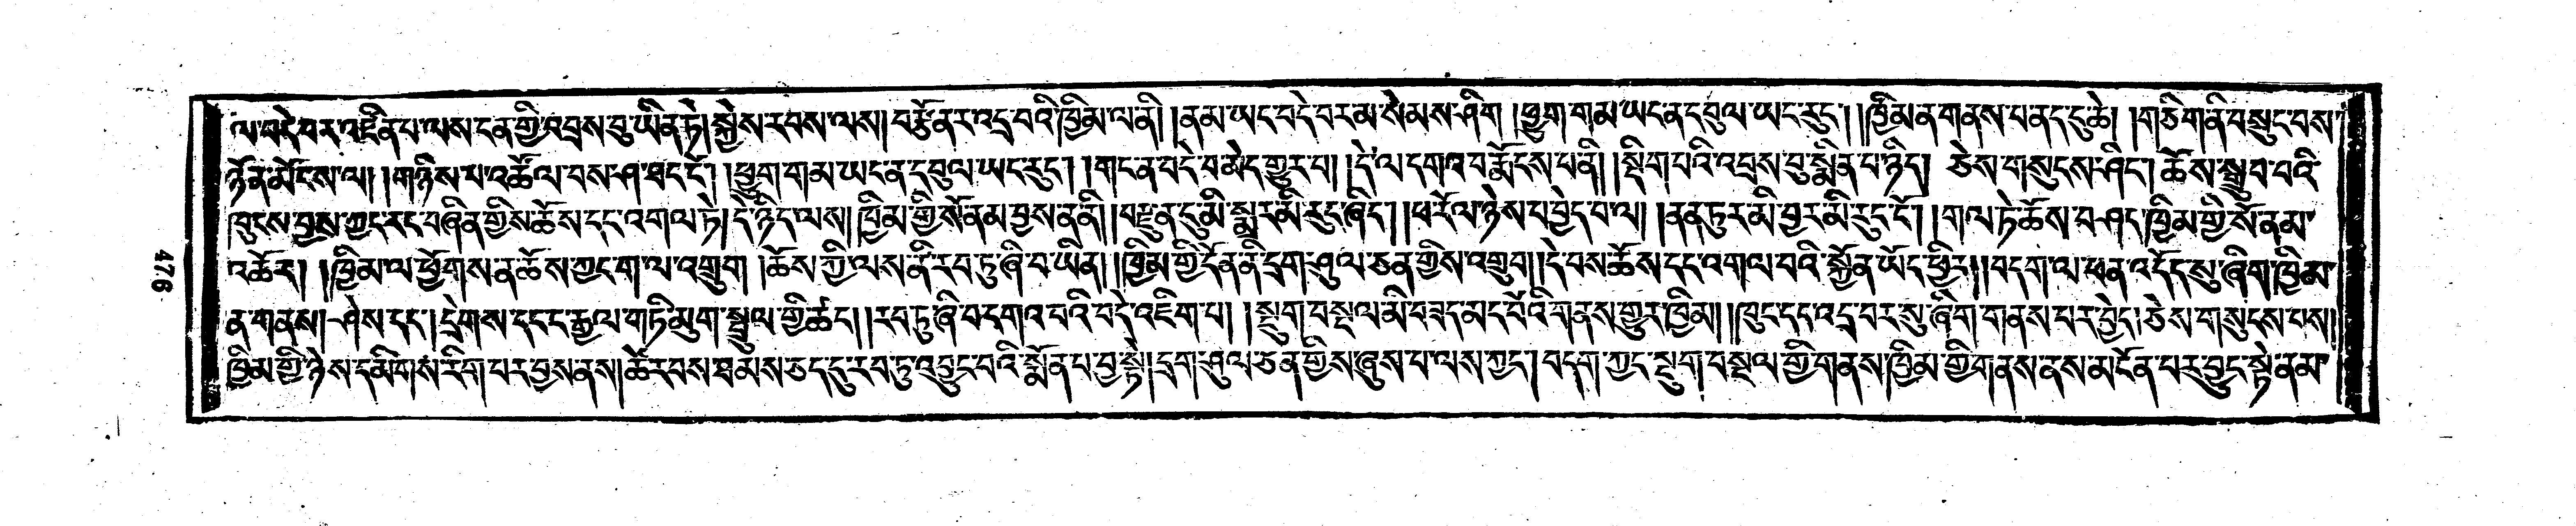ལ་བདེ་བར་འཛིན་པ་ལས་ངན་གྱི་འབྲས་བུ་ཡིན་ཏེ། སྐྱེས་རབས་ལས། བརྩོན་ར་འདྲ་བའི་ཁྱིམ་ལ་ནི། །ནམ་ཡང་བདེ་བར་མ་སེམས་ཤིག །ཕྱུག་གམ་ཡང་ན་དབུལ་ཡང་རུང་། །ཁྱིམ་ན་གནས་པ་ནད་དུ་ཆེ། །གཅིག་ནི་བསྲུང་བས་
ཉོན་མོངས་ལ། །གཉིས་པ་འཚོལ་བས་ཤ་ཐང་ངོ། །ཕྱུག་གམ་ཡང་ན་དབུལ་ཡང་རུང་། །གང་ན་བདེ་བ་མེད་གྱུར་པ། །དེ་ལ་དགའ་བ་རྨོངས་པ་ནི། །སྡིག་པའི་འབྲས་བུ་སྨིན་པ་ཉིད། ཅེས་གསུངས་ཤིང་། ཆོས་སྒྲུབ་པའི་
ཁུངས་བྱས་ཀྱང་རང་བཞིན་གྱིས་ཆོས་དང་འགལ་ཏེ། དེ་ཉིད་ལས། ཁྱིམ་གྱི་སོ་ནམ་བྱས་ན་ནི། །བརྫུན་དུ་མི་སྨྲར་མི་རུང་ཞིང་། །ཕ་རོལ་ཉེས་པ་བྱེད་པ་ལ། །ནན་ཏུར་མི་བྱར་མི་རུང་ངོ། །གལ་ཏེ་ཆོས་བཤད་ཁྱིམ་གྱི་སོ་ནམ་
འཆོར། །ཁྱིམ་ལ་ཕྱོགས་ན་ཆོས་ཀྱང་ག་ལ་འགྲུབ། །ཆོས་ཀྱི་ལས་ནི་རབ་ཏུ་ཞི་བ་ཡིན། །ཁྱིམ་གྱི་དོན་ནི་དྲག་ཤུལ་ཅན་གྱིས་འགྲུབ། །དེ་བས་ཆོས་དང་འགལ་བའི་སྐྱོན་ཡོད་ཕྱིར། །བདག་ལ་ཕན་འདོད་སུ་ཞིག་ཁྱིམ་
ན་གནས། ཤེས་དང་། དྲེགས་དང་ང་རྒྱལ་གཏི་མུག་སྤྲུལ་གྱི་ཚད། །རབ་ཏུ་ཞི་བ་དགའ་བའི་བདེ་འཇིག་པ། །སྡུག་བསྔལ་མི་བཟད་མང་པོའི་གནས་གྱུར་ཁྱིམ། །ཁུང་དང་འདྲ་བར་སུ་ཞིག་གནས་པར་བྱེད། ཅེས་གསུངས་པས།
ཁྱིམ་གྱི་ཉེས་དམིགས་རིག་པར་བྱས་ནས། ཚེ་རབས་ཐམས་ཅད་དུ་རབ་ཏུ་འབྱུང་བའི་སྨོན་པ་བྱ་སྟེ། དྲག་ཤུལ་ཅན་གྱིས་ཞུས་པ་ལས་ཀྱང་། བདག་ཀྱང་སྡུག་བསྔལ་གྱི་གནས་ཁྱིམ་གྱི་གནས་ནས་མངོན་པར་བྱུང་སྟེ་ནམ་